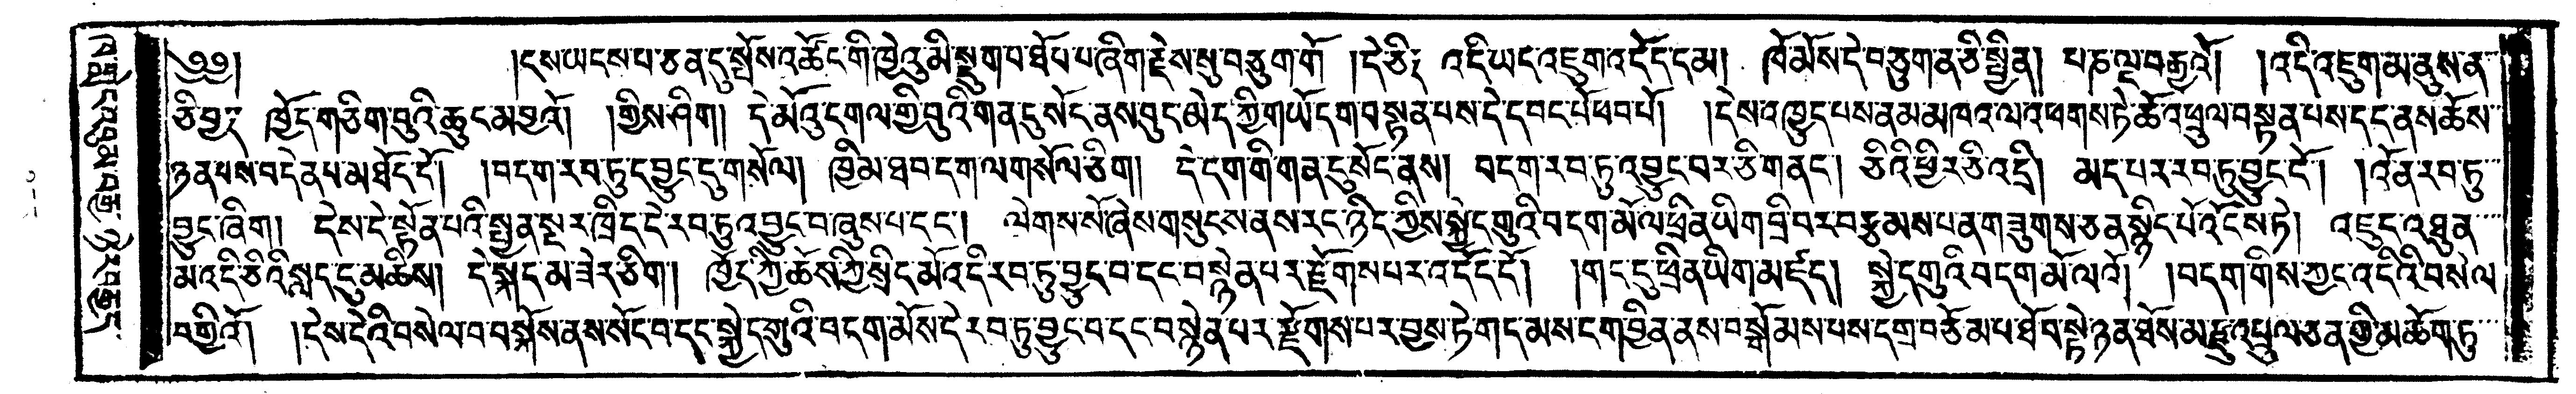༄༅། །ངས་ཡངས་པ་ཅན་དུ་སྤོས་འཚོང་གི་ཁྱེའུ་མི་སྡུག་པ་ཐོབ་པ་ཞིག་རྗེས་སུ་བཅུག་གོ །དེ་ཅི༑ འདི་ཡང་འཇུག་འདོད་དམ། ཁོ་མོས་དེ་བཅུག་ན་ཅི་སྦྱིན། པ་ཎ་ལྔ་བརྒྱའོ། །འདི་འཇུག་མ་ནུས་ན་
ཅི་བྱ༑ ཁྱོད་གཅིག་བུའི་ཆུང་མ་བྱའོ། །གྱིས་ཤིག། དེ་མོའུ་དགལ་གྱི་བུའི་གན་དུ་སོང་ནས་བུད་མེད་ཀྱི་གཡོ་དག་བསྟན་པས་དེ་དབང་པོ་ཕབ་པོ། དེས་འཁྱུད་པས་ནམ་མཁའ་ལ་འཕགས་ཏེ་ཆོ་འཕྲུལ་བསྟན་པས་དད་ནས་ཆོས་
ཉན་པས་བདེན་པ་མཐོང་ངོ། །བདག་རབ་ཏུ་དབྱུང་དུ་གསོལ། ཁྱིམ་ཐབ་དག་ལ་གསོལ་ཅིག། དེ་དག་གི་གན་དུ་སོང་ནས། བདག་རབ་ཏུ་འབྱུང་བར་ཅིག་གནང་། ཅིའི་ཕྱིར་ཅི་འདྲི། མད་པར་རབ་ཏུ་བྱུང་ངོ། །འོ་ན་རབ་ཏུ་
བྱུང་ཞིག། དེས་དེ་སྟོན་པའི་སྤྱན་སྔར་ཁྲིད་དེ་རབ་ཏུ་འབྱུང་བ་ཞུས་པ་དང་། ལེགས་སོ་ཞེས་གསུངས་ནས་རང་ཉིད་ཀྱིས་སྐྱེ་དགུའི་བདག་མོ་ལ་ཕྲིན་ཡིག་བྲི་བར་བརྩམས་པ་ན་གཟུགས་ཅན་སྙིང་པོ་འོངས་ཏེ། འཇུང་འཐུན་
མ་འདི་ཅིའི་སླད་དུ་མཆིས། དེ་སྐད་མ་ཟེར་ཅིག། ཁྱོད་ཀྱི་ཆོས་ཀྱི་སྲིང་མོ་འདི་རབ་ཏུ་བྱུང་བ་དང་བསྙེན་པར་རྫོགས་པར་འདོད་དོ། །གང་དུ་ཕྲིན་ཡིག་མཛད། སྐྱེ་དགུའི་བདག་མོ་ལའོ། །བདག་གིས་ཀྱང་འདིའི་བསེལ་
བགྱིའོ། །དེས་དེའི་བསེལ་བ་བསྐོས་ནས་སོང་བ་དང་སྐྱེ་དགུའི་བདག་མོས་དེ་རབ་ཏུ་བྱུང་བ་དང་བསྙེན་པར་རྫོགས་པར་བྱས་ཏེ་གདམས་ངག་བྱིན་ནས་བསྒོམས་པས་དགྲ་བཅོམ་པ་ཐོབ་སྟེ་ཉན་ཐོས་མ་རྫུ་འཕྲུལ་ཅན་གྱི་མཆོག་ཏུ་